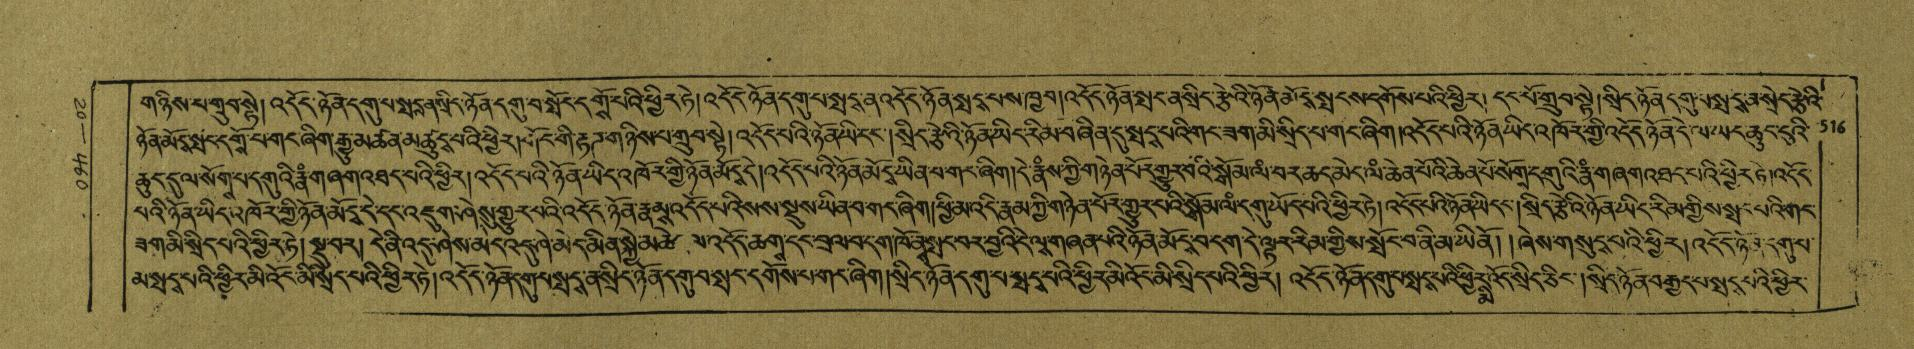གཉིས་པ་གྲུབ་སྟེ། འདོད་ཉོན་དགུ་པ་སྤངས་ན་སྲིད་ཉོན་དགུ་བ་སྤོང་དགོས་པའི་ཕྱིར་ཏེ། འདོད་ཉོན་དགུ་པ་སྤངས་ན་འདོད་ཉོན་སྤངས་པས་ཁྱབ། འདོད་ཉོན་སྤང་ན་སྲིད་རྩེའི་ཉོན་མོངས་སྤངས་དགོས་པའི་ཕྱིར། དང་པོ་གྲུབ་སྟེ། སྲིད་ཉོན་དགུ་པ་སྤངས་ན་སྲེད་རྩེའི་
ཉོན་མོངས་སྤང་དགོས་པ་གང་ཞིག་རྒྱུ་མཚན་མཚུངས་པའི་ཕྱིར། གོང་གི་རྟཊ་གཉིས་པ་གྲུབ་སྟེ། འདོད་པའི་ཉོན་ཡི་དང་། སྲིད་རྩེའི་ཉོན་ཡིད་རིམ་བཞིན་དུ་སྤངས་པའི་གང་ཟག་མི་སྲིད་པ་གང་ཞིག །འདོད་པའི་ཉོན་ཡིད་འཁོར་གྱི་འདོད་ཉོན་དེ་ལ་ཡང་ཆུང་ངུའི་
ཆུང་དུ་ལ་སོགས་པ་དགུའི་རྣཾ་གཞག་འཐད་པའི་ཕྱིར། འདོད་པའི་ཉོན་ཡིད་འཁོར་གྱི་ཉོན་མོངས་དེ། འདོད་པའི་ཉོན་མོངས་ཡིན་པ་གང་ཞིག། དེ་རྣཾས་ཀྱི་གཉེན་པོར་གྱུར་བའི་སྒོམ་ལཾ་བར་ཆད་མེད་ལཾ་ཆེན་པོའི་ཆེན་པོ་སོགས་དགུའི་རྣཾ་གཞག་འཐད་པའི་ཕྱིར་ཏེ། འདོད་
པའི་ཉོན་ཡིད་འཁོར་གྱི་ཉོན་མོངས་དེ་དང་འཇུག་ཤེསུ་གྱུར་པའི་འདོད་ཉོན་རྣམས་འདོད་པའི་སས་སྡུས་ཡིན་བ་གང་ཞིག། ཕྱི་མ་འདི་རྣམ་ཀྱི་གཉེན་པོར་གྱུར་པའི་སྒོམ་ལཾ་དགུ་ཡོད་པའི་ཕྱིར་ཏེ། འདོད་པའི་ཉོན་ཡི་དང་། སྲིད་རྩེའི་ཉོན་ཡིད་རིམ་གྱིས་སྤང་པའི་གང་
ཟག་མི་སྲིད་པའི་ཕྱིར་ཏེ། སྡུ་བར། དེ་ནི་འདུ་ཤེས་མེད་འདུ་ཤེ་མེད་མིན་སྐྱེ་མཆེད་ལ་འདོད་ཆགས་དང་བྲལ་བ་དག་ཁོ་ནས་སྤང་བར་བྱའི་དེ་ལས་གཞན་པའི་ཉོན་མོངས་བ་དག་དེ་ལྟར་རིམ་གྱིས་སྤོང་བ་ནི་མ་ཡིནོ། །ཞེས་གསུངས་པའི་ཕྱིར། འདོད་ཉོན་དགུ་པ་
མ་སྤངས་པའི་ཕྱིར་མི་འོང་མི་སྲིད་པའི་ཕྱིར་ཏེ། འདོད་ཉོན་དགུ་པ་སྤངས་ན་སྲིད་ཉོན་དགུ་བ་སྤང་དགོས་པ་གང་ཞིག །སྲིད་ཉོན་དགུ་པ་སྤངས་པའི་ཕྱིར་མི་འོང་མི་སྲིད་པའི་ཕྱིར། འདོད་ཉོན་དགུ་པ་སྤངས་པའི་ཕྱིར་མི་འོད་སྲིད་ཅིང་། སྲིད་ཉོན་བརྒྱད་པ་སྤངས་པའི་ཕྱིར་